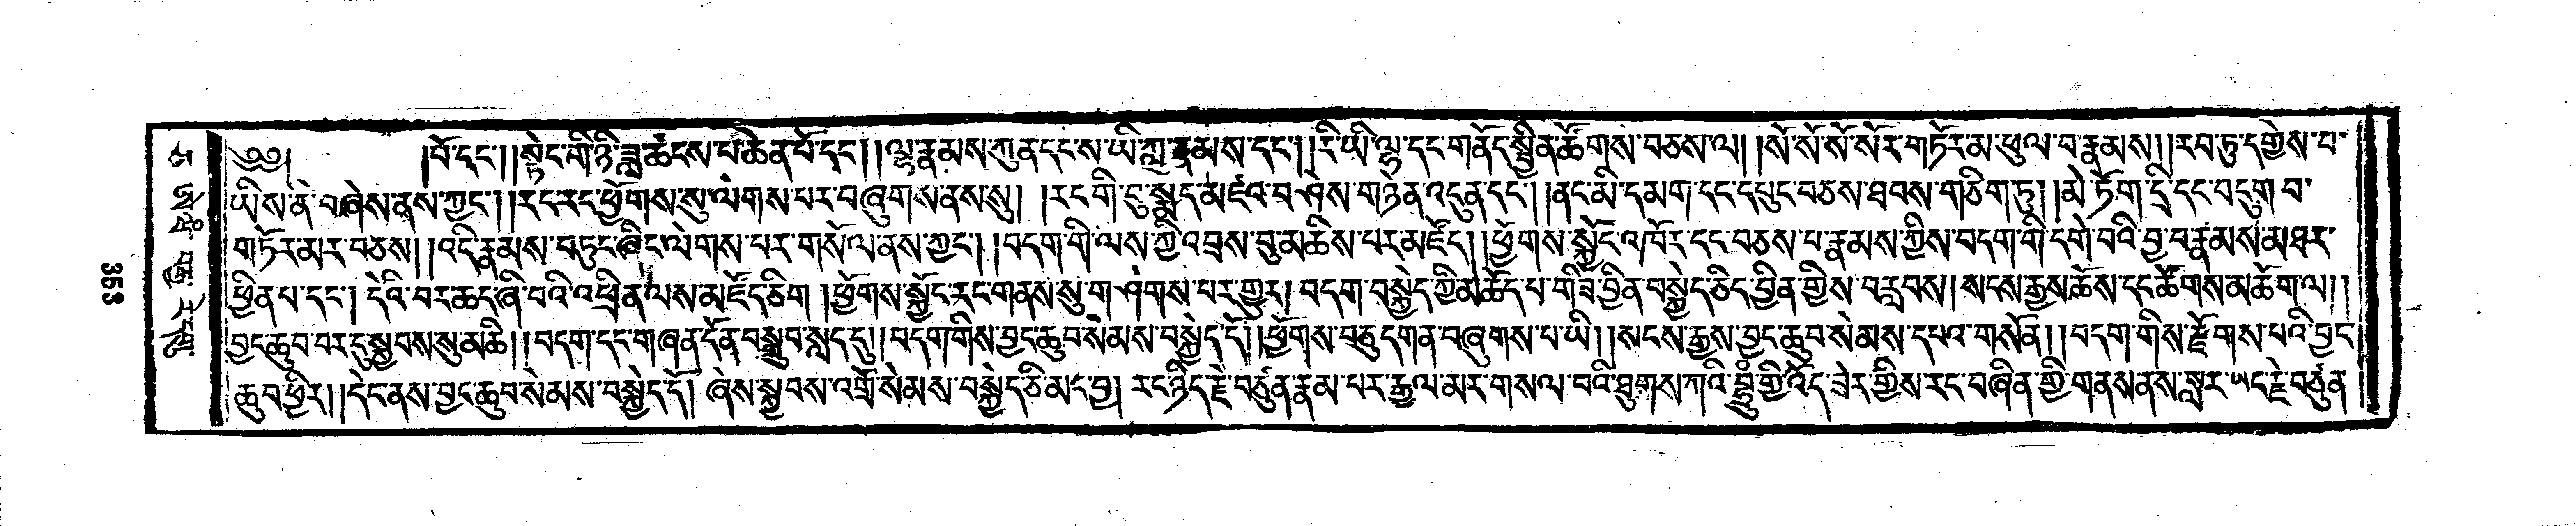༄༅། །པོ་དང་། །སྟེང་གི་ཉི་ཟླ་ཚངས་པ་ཆེན་པོ་དང་། །ལྷ་རྣམས་ཀུན་དང་ས་ཡི་ཀླུ་རྣམས་དང་། །རི་ཡི་ལྷ་དང་གནོད་སྦྱིན་ཚོགས་བཅས་ལ། །སོ་སོ་སོ་སོར་གཏོར་མ་ཕུལ་བ་རྣམས། །རབ་ཏུ་དགྱེས་པ་
ཡིས་ནི་བཞེས་ནས་ཀྱང་། །རང་རང་ཕྱོགས་སུ་ལེགས་པར་བཞུགས་ནས་སུ། །རང་གི་བུ་སྨད་མཛའ་བཤེས་གཉེན་འདུན་དང་། །ནང་མི་དམག་དང་དཔུང་བཅས་ཐབས་གཅིག་ཏུ། །མེ་ཏོག་དྲི་དང་བདུག་པ་
གཏོར་མར་བཅས། །འདི་རྣམས་བཏུང་ཞིང་ལེགས་པར་གསོལ་ནས་ཀྱང་། །བདག་གི་ལས་ཀྱི་འབྲས་བུ་མཆིས་པར་མཛོད། །ཕྱོགས་སྐྱོང་འཁོར་དང་བཅས་པ་རྣམས་ཀྱིས་བདག་གི་དགེ་བའི་བྱ་བ་རྣམས་མཐར་
ཕྱིན་པ་དང་། དེའི་བར་ཆད་ཞི་བའི་འཕྲིན་ལས་མཛོད་ཅིག །ཕྱོགས་སྐྱོང་རང་གནས་སུ་གཤེགས་པར་གྱུར། བདག་བསྐྱེད་ཀྱི་མཆོད་པ་གཟི་བྱིན་བསྐྱེད་ཅིང་བྱིན་གྱིས་བརླབས། སངས་རྒྱས་ཆོས་དང་ཚོགས་མཆོག་ལ། །
བྱང་ཆུབ་བར་དུ་སྐྱབས་སུ་མཆི། །བདག་དང་གཞན་དོན་བསྒྲུབ་སླད་དུ། །བདག་གིས་བྱང་ཆུབ་སེམས་བསྐྱེད་དོ། །ཕྱོགས་བཅུ་དག་ན་བཞུགས་པ་ཡི། །སངས་རྒྱས་བྱང་ཆུབ་སེམས་དཔའ་གསོན། །བདག་གིས་རྫོགས་པའི་བྱང་
ཆུབ་ཕྱིར། །དེང་ནས་བྱང་ཆུབ་སེམས་བསྐྱེད་དོ། ཞེས་སྐྱབས་འགྲོ་སེམས་བསྐྱེད་ཅི་མང་བྱ། རང་ཉིད་རྗེ་བཙུན་རྣམ་པར་རྒྱལ་མར་གསལ་བའི་ཐུགས་ཀའི་བྷྲུཾ་གྱི་འོད་ཟེར་གྱིས་རང་བཞིན་གྱི་གནས་ནས་སླར་ཡང་རྗེ་བཙུན་